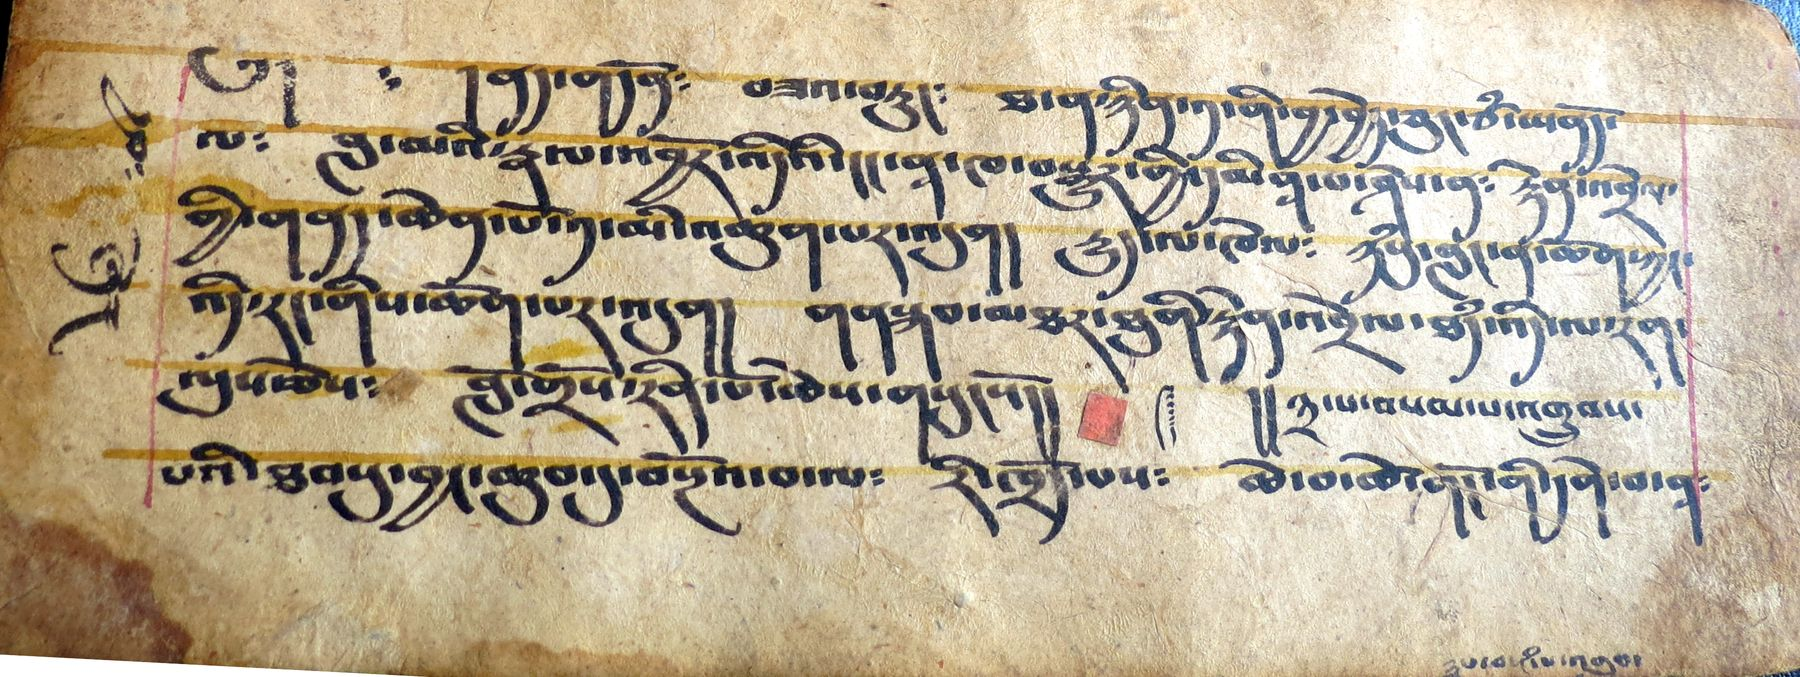ནད་གདོན། བཟའ་བཏུང་། ཐ་ན་ཉིན་གཅིག་གི་བྱ་བྱེད་ཅུང་ཙམ་ཡན་ཆོད་
ལ། བླ་མའི་རྣལ་འབྱོར་འདི་ཡི་ངང་ནས་ཁ་བསྒྱུར་གྱི་དམིགས་པ་ཤེས་ན། རྟེན་འབྲེལ་
གྱི་གནད་ཆེན་པོ་ཞིག་མི་འཆུག་པརའདུག རྒྱུད་ལ་ཁེལ་ རྟའུ་བླང་ཆོག་ཀྱང་།
འདི་རང་གིས་ཆོག་པར་འདུག། གནས་སྐབས་མཐར་ཐུག་གི་རྟེན་འབྲེལ་ཐམས་ཅད་འདི་ལ་རགས་
ལུས་ཞེས། བློ་གྲོས་རིན་པོ་ཆེའི་གསུངས་སོ། ། གསུམ་པ་བསམ་པ་འགྲུབ་
པའི་ཐབས་སུ་བྱང་ཆུབ་ཏུ་བསྔོ་བ་ལ། རི་ཁྲོད་པས། ཆེ་བ་ཚེ་གང་གི་དགེ་བ་ནས་